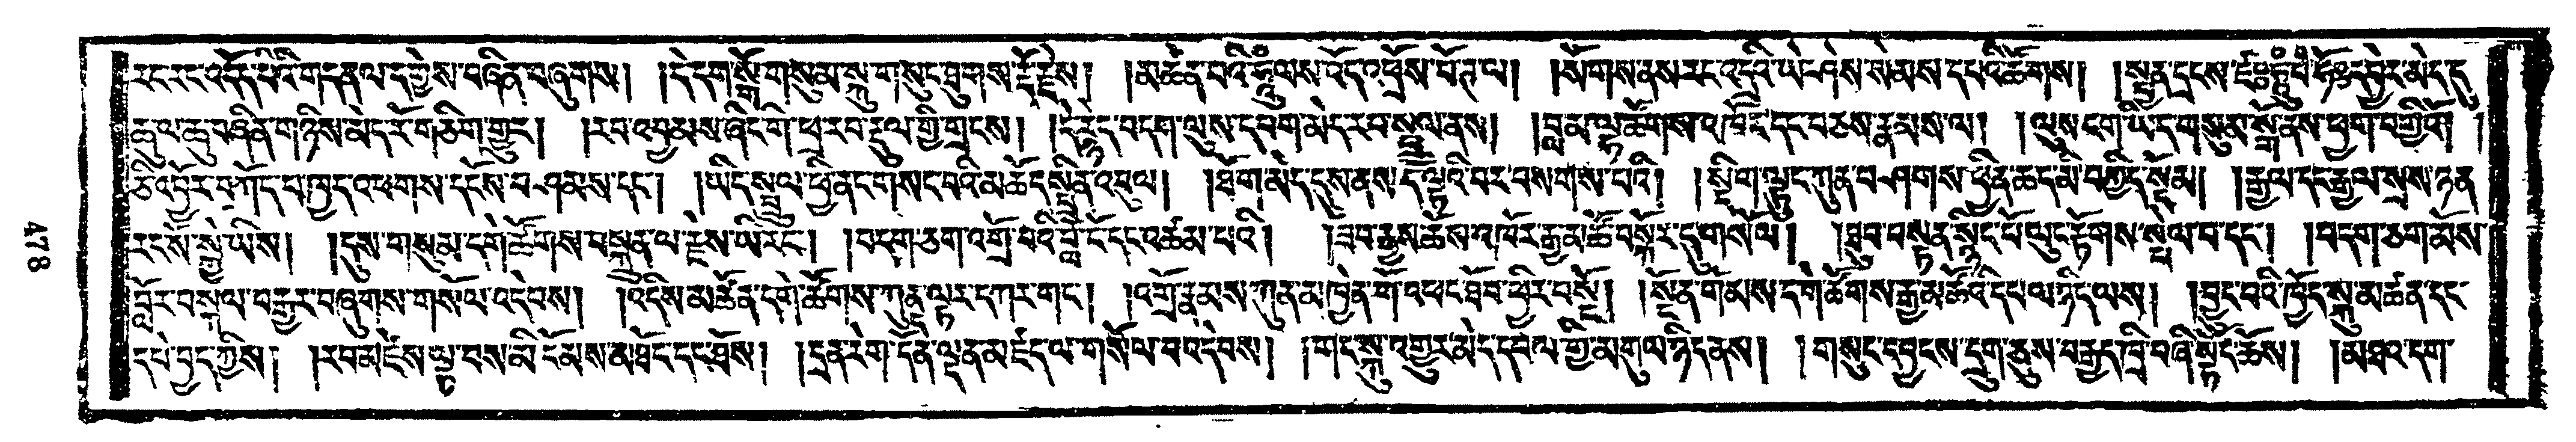རང་རང་འདོད་པའི་གདན་ལ་དགྱེས་བཞིན་བཞུགས། །དེ་དག་སྒོ་གསུམ་སྐུ་གསུང་ཐུགས་རྡོ་རྗེས། །མཚན་བའི་ཧཱུཾ་ལས་འོད་འཕྲོས་པོ་ཊ་ལ། །སོགས་ནས་རང་འདྲའི་ཡེ་ཤེས་སེམས་དཔའི་ཚོགས། །སྤྱན་དྲངས་ཛཿ ཧཱུཾ་བཾ་ཧོཿ དབྱེར་མེད་དུ་
ཆུ་ལ་ཆུ་བཞིན་གཉིས་མེད་རོ་གཅིག་གྱུར། །རབ་འབྱམས་ཞིང་གི་ཕྲ་རབ་རྡུལ་གྱི་གྲངས། །དེ་རྙེད་བདག་ལུས་དཔག་མེད་རབ་སྤྲུལ་ནས། །བླ་མ་ལྷ་ཚོགས་འཁོར་དང་བཅས་རྣམས་ལ། །ལུས་ངག་ཡིད་གསུམ་སྒོ་ནས་ཕྱག་བགྱིའོ། །
ཅི་འབྱོར་བཀོད་པ་ཁྱད་འཕགས་དངོས་བཤམས་དང་། །ཡིད་སྤྲུལ་ཕྱི་ནང་གསང་བའི་མཆོད་སྤྲིན་འབུལ། །ཐོག་མེད་དུས་ནས་ད་ལྟའི་བར་བསགས་པའི། །སྡིག་ལྟུང་ཀུན་བཤགས་ཕྱིན་ཆད་མི་བགྱིད་སྔོམ། །རྒྱལ་དང་རྒྱལ་སྲས་ཉན་
རང་སོ་སྐྱེ་ཡིས། །དུས་གསུམ་དགེ་ཚོགས་བསྐྲུན་ལ་རྗེས་ཡི་རང་། །བདག་ཅག་འགྲོ་བའི་བློ་ངོ་དང་འཚམ་པའི། །ཟབ་རྒྱས་ཆོས་འཁོར་རྒྱ་མཚོ་བསྐོར་དུ་གསོལ། །ཐུབ་བསྟན་སྙིང་པོ་ལུང་རྟོགས་སྤེལ་བ་དང་། །བདག་ཅག་མོས་
བློར་བསྐལ་བརྒྱར་བཞུགས་གསོལ་འདེབས། །འདིས་མཚོན་དགེ་ཚོགས་ཀུནྡ་ལྟར་དཀར་གང་། །འགྲོ་རྣམས་ཀུན་མཁྱེན་གོ་འཕང་ཐོབ་ཕྱིར་བསྔོ། །སྔོན་གོམས་དགེ་ཚོགས་རྒྱ་མཚོའི་དཔལ་ཉིད་ལས། །བྱུང་བའི་ཁྱོད་སྐུ་མཚན་དང་
དཔེ་བྱད་ཀྱིས། །རབ་མཛེས་ལྟ་བས་མི་ངོམས་མཐོང་དང་ཐོས། །དྲན་རེག་དོན་ལྡན་མཛད་ལ་གསོལ་བ་འདེབས། །གང་སྐུ་འགྱུར་མེད་དབལ་གྱི་མགུལ་ཉིད་ནས། །གསུང་དབྱངས་དྲུག་ཅུས་བརྒྱད་ཁྲི་བཞི་སྟོང་ཆོས། །མཐའ་དག་